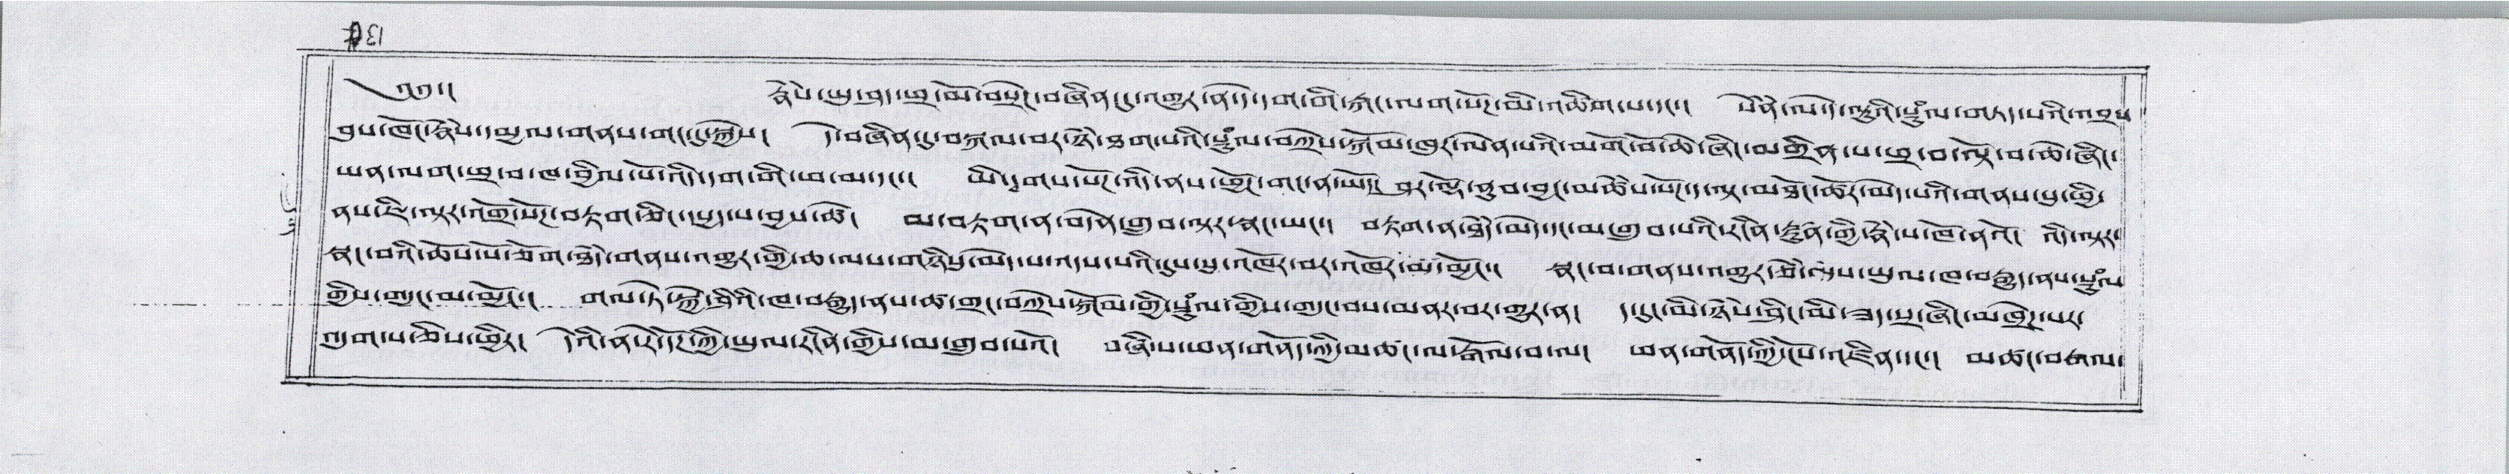རྣམས་སྤུ་ཤད་ཕྲ་མོ་བསྲེགས་བཞིན་དུ་འགྱུར་ན་དེ་དག་གི་རྐང་ལག་སོགས་མི་འཚིག་པ་དང་། སེམས་ཅན་ལ་དེ་ལྟ་བུའི་སྡུག་བསྔལ་གཏད་པའི་འབྲས་
བུས་ཁོང་རྣམས་དམྱལ་གནས་གང་དུ་སྐྱེས། དེ་བཞིན་དུ་བསྐལ་པར་ཉམ་ཐག་པའི་སྡུག་བསྔལ་བསྐྲེས་སྐོམ་ཁུར་ལེན་པའི་མགོ་བོ་ཆེ་ཞིང་མགྲིན་པ་ཕྲ་བ་ལྟོ་བ་ཆེ་ཞིང་
ཡན་ལག་ཕྲ་བ་ཁ་བྱིལ་པོ་འདི་དག་གི་ཕ་མ་དང་། ཡི་དྭགས་སོགས་འདི་ནས་ཕྱོགས་གང་ན་ཡོད། ཤར་ལྷོ་ནུབ་བྱང་མཚམས་སོགས་ད་ལྟ་མཐོང་ཚོར་མེད་པའི་གནས་སུ་ཕྱི་
ནས་ཇི་ལྟར་འགྲོ་སོགས་བརྟགས་ཤིང་དཔྱད་པ་བྱས་ཚེ། མ་བརྟགས་ན་བདེན་གྲུབ་ལྟར་སྣང་ཡང་། བརྟག་ན་ཐམས་ཅད་མེད་དང་མ་གྲུབ་པའི་རང་བཞིན་རྫུན་གྱི་རྣམ་པ་ཁོ་ནའོ། འདི་ལྟར་
སྣང་བའི་ཆོས་སོ་ཅོག་ཐམས་ཅད་གནས་འགྱུར་གྱི་ཆ་ལ་གཉིས་སུ་མེད་པ་འདས་པའི་དུས་སུ་འཁོར་བར་འཁོར་མ་མྱོང་། སྣང་བ་གནས་འགྱུར་ཙམ་ལས་ཡུལ་ཁ་བརྒྱུད་ནས་སྡུག་བསྔལ་
གྱིས་གདུང་མ་མྱོང་། གལ་ཏེ་སྐྱེ་ཤིའི་ཁ་བརྒྱུད་ནས་ཚ་གྲང་བཀྲེས་སྐོམ་གྱི་སྡུག་བསྔལ་གྱིས་གདུང་བས་མནར་བར་གྱུར་ན། ད་དུང་མི་ཉམས་ཤིང་མི་ཟད་སྲ་ཞིང་མཁྲེགས་པར་
འདུག་པ་ཅིའི་ཕྱིར། དེས་ན་རེ་དྭོགས་ཀྱི་ཡུལ་རང་བཞིནག་གྱིས་མ་གྲུབ་པའོ། །གཉིས་པ་ཕན་གནོད་ཀྱི་མཚང་ལ་རྒོལ་བ་ལ། ཕན་གནོད་ཀྱི་ངོས་འཛིན་དང་། མཚང་བརྒལ་